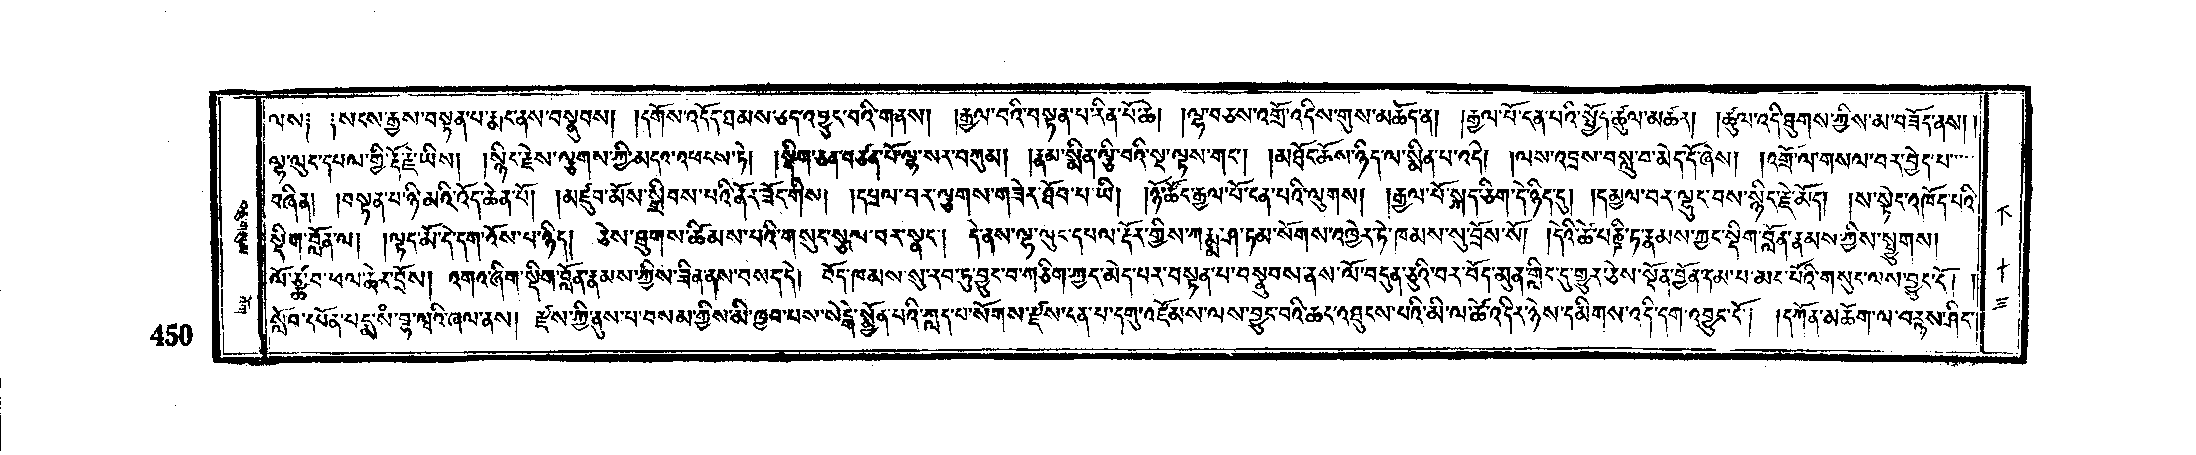ལས༑ ༑སངས་རྒྱས་བསྟན་པ་རྨང་ནས་བསྣུབས། །དགོས་འདོད་ཐམས་ཅད་འབྱུང་བའི་གནས། །རྒྱལ་བའི་བསྟན་པ་རིན་པོ་ཆེ། །ལྷ་བཅས་འགྲོ་འདིས་གུས་མཆོད་ན། །རྒྱལ་པོ་ངན་པའི་སྤྱོད་ཚུལ་མཚར། །ཚུལ་འདི་ཐུགས་ཀྱིས་མ་བཟོད་ནས། །
ལྷ་ལུང་དཔལ་གྱི་རྡོ་རྗེ་ཡིས། །སྙིང་རྗེས་ལྕགས་ཀྱི་མདའ་འཕངས་ཏེ། །སྡིག་ཅན་བཙན་པོ་ལྷ་སར་བཀུམ། །རྣམ་སྨིན་ལྕི་བའི་སྔ་ལྟས་གང་། །མཐོང་ཆོས་ཉིད་ལ་སྨིན་པ་འདི། །ལས་འབྲས་བསླུ་བ་མེད་དོ་ཞེས། །འགྲོ་ལ་གསལ་བར་བྱེད་པ་
བཞིན། །བསྟན་པ་ཉི་མའི་འོད་ཆེན་པོ། །མཛུབ་མོས་སྒྲིབས་པའི་ནོར་ཟོང་གིས། །དཔྲལ་བར་ལྕགས་གཟེར་ཐོབ་པ་ཡི། །ཉོ་ཚོང་རྒྱལ་པོ་ངན་པའི་ལུགས། །རྒྱལ་པོ་སྐད་ཅིག་དེ་ཉིད་དུ། །དམྱལ་བར་ལྷུང་བས་སྙིང་རྗེ་མོད། །ས་སྟེང་འཁོད་པའི་
སྡིག་བློན་ལ། །ལྟད་མོ་དེ་དག་འོས་པ་ཉིད། ཅེས་ཐུགས་ཚིམས་པའི་གསུང་སྩལ་བར་སྣང་། དེ་ནས་ལྷ་ལུང་དཔལ་རྡོར་གྱིས་ཀརྨྨ་ཤ་ཏམ་སོགས་འཁྱེར་ཏེ་ཁམས་སུ་བྲོས་སོ། །དེའི་ཚེ་པཎྜི་ཏ་རྣམས་ཀྱང་སྡིག་བློན་རྣམས་ཀྱིས་སྤྱུགས།
ལོ་ཙྪ་བ་ཕལ་ཆེར་བྲོས། འགའ་ཞིག་སྡིག་བློན་རྣམས་ཀྱིས་ཟིན་ནས་བསད་དེ། བོད་ཁམས་སུ་རབ་ཏུ་བྱུང་བ་གཅིག་ཀྱང་མེད་པར་བསྟན་པ་བསྣུབས་ནས་ལོ་བདུན་ཅུའི་བར་བོད་མུན་གླིང་དུ་གྱུར་ཅེས་སྔོན་བྱོན་དམ་པ་མང་པོའི་གསུང་ལས་བྱུང་ངོ། །
སློབ་དཔོན་པདམ་སཾ་བྷ་ཝའི་ཞལ་ནས། རྫས་ཀྱི་ནུས་པ་བསམ་གྱིས་མི་ཁྱབ་པས་སེངྒེ་སྨྱོན་པའི་ཀླད་པ་སོགས་རྫས་ངན་པ་དགུ་འཛོམས་ལས་བྱུང་བའི་ཆང་འཐུངས་པའི་མི་ལ་ཚེ་འདིར་ཉེས་དམིགས་འདི་དག་འབྱུང་ངོ། །དཀོན་མཆོག་ལ་བརྙས་ཤིང་